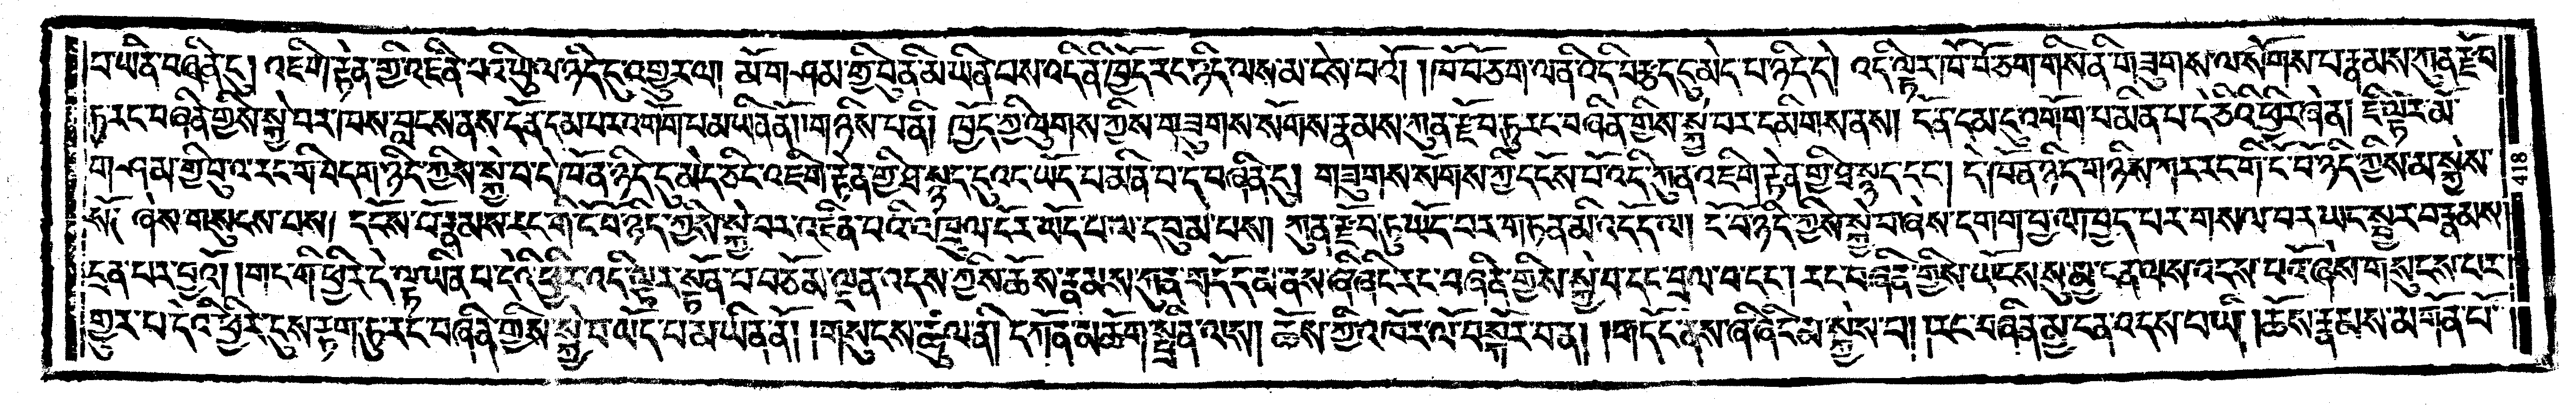པ་ཡིན་བཞིན་དུ། འཇིག་རྟེན་གྱི་འཛིན་པའི་ཡུལ་ཉིད་དུ་འགྱུར་ལ། མོ་གཤམ་གྱི་བུ་ནི་མ་ཡིན་པས་འདི་ནི་ཁྱོད་རང་ཉིད་ལས་མ་ངེས་པའོ། །ཁོ་བོ་ཅག་ལ་ནི་འདི་བརྩད་དུ་མེད་པ་ཉིད་དེ། འདི་ལྟར་ཁོ་བོ་ཅག་གིས་ནི་གཟུགས་ལ་སོགས་པ་རྣམས་ཀུན་རྫོབ་
ཏུ་རང་བཞིན་གྱིས་སྐྱེ་བར་ཁས་བླངས་ནས་དོན་དམ་པར་འགོག་པ་མ་ཡིན་ནོ། །གཉིས་པ་ནི། ཁྱོད་ཀྱི་ལུགས་ཀྱིས་གཟུགས་སོགས་རྣམས་ཀུན་རྫོབ་ཏུ་རང་བཞིན་གྱིས་སྐྱེ་བར་དམིགས་ནས། དོན་དམ་དུ་འགོག་པ་མིན་པ་དེ་ཅིའི་ཕྱིར་ཞེ་ན། ཇི་ལྟར་མོ་
གཤམ་གྱི་བུ་ལ་རང་གི་བདག་ཉིད་ཀྱིས་སྐྱེ་བ་དེ་ཁོ་ན་ཉིད་དུ་མེད་ཅིང་འཇིག་རྟེན་གྱི་ཐ་སྙད་དུའང་ཡོད་པ་མིན་པ་དེ་བཞིན་དུ། གཟུགས་སོགས་ཀྱི་དངོས་པོ་འདི་ཀུན་འཇིག་རྟེན་གྱི་ཐ་སྙད་དང་། དེ་ཁོ་ན་ཉིད་གཉིས་ཀར་རང་གི་ངོ་བོ་ཉིད་ཀྱིས་མ་སྐྱེས་
སོ༑ ཞེས་གསུངས་པས། དངོས་པོ་རྣམས་རང་གི་ངོ་བོ་ཉིད་ཀྱིས་སྐྱེ་བར་འཛིན་པའི་འཁྲུལ་ངོར་ཡོད་པ་ལ་དབུ་མ་པས། ཀུན་རྫོབ་ཏུ་ཡོད་པར་གཏན་མི་འདོད་ལ། ངོ་བོ་ཉིད་ཀྱིས་སྐྱེ་བ་ཞེས་དགག་བྱ་ལ་ཁྱད་པར་གསལ་བར་ཡང་སྦྱར་བ་རྣམས་
དྲན་པར་བྱའོ། །གང་གི་ཕྱིར་དེ་ལྟ་ཡིན་པ་དེའི་ཕྱིར་འདི་ལྟར་སྟོན་པ་བཅོམ་ལྡན་འདས་ཀྱིས་ཆོས་རྣམས་ཀུན་གདོད་མ་ནས་ཞི་ཞིང་རང་བཞིན་གྱིས་སྐྱེ་བ་དང་བྲལ་བ་དང་། རང་བཞིན་གྱིས་ཡོངས་སུ་མྱ་ངན་ལས་འདས་པའོ་ཞེས་གསུངས་པར་
གྱུར་པ་དེའི་ཕྱིར་དུས་རྟག་ཏུ་རང་བཞིན་གྱིས་སྐྱེ་བ་ཡོད་པ་མ་ཡིན་ནོ། །གསུངས་ཚུལ་ནི། དཀོན་མཆོག་སྤྲིན་ལས། ཆོས་ཀྱི་འཁོར་ལོ་བསྐོར་བ་ན། གདོད་ནས་ཞི་ཞིང་མ་སྐྱེས་པ། །རང་བཞིན་མྱ་ངན་འདས་པ་ཡི། །ཆོས་རྣམས་མགོན་པོ་